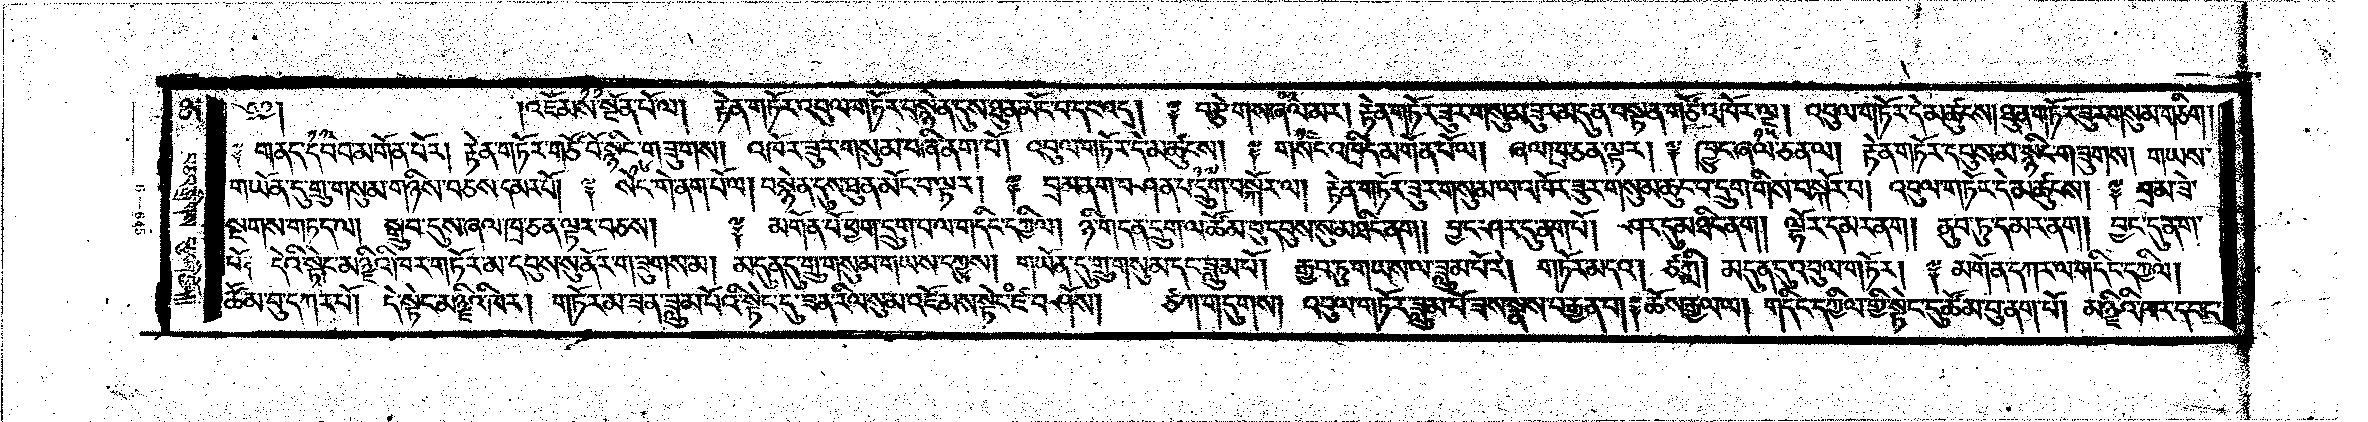༄༅། །འཇོམས་སྔོན་པོ་ལ། རྟེན་གཏོར་འབུལ་གཏོར་བསྙེན་དུས་ཐུན་མོང་བ་དང་འདྲ། ༈ བརྩེགས་ཞལ་མར། རྟེན་གཏོར་ཟུར་གསུམ་ཟུར་མདུན་བསྟན་གཙོ་འཁོར་ལྔ། འབུལ་གཏོར་དེ་མཚུངས། ཐུན་གཏོར་ཟུར་གསུམ་གཅིག།
༈ གནད་དབབ་མགོན་པོར། རྟེན་གཏོར་གཙོ་བོ་སྙིང་གཟུགས། འཁོར་ཟུར་གསུམ་བཞི་ནག་པོ། འབུལ་གཏོར་དེ་མཚུངས། ༈ གསང་འཁྲིད་མགོན་པོ་ལ། ཞལ་ཁྲ་ཅན་ལྟར། ༈ ཁྱུང་ཞལ་ཅན་ལ། རྟེན་གཏོར་དབུས་མ་སྙིང་གཟུགས། གཡས་
གཡོན་དུ་གྲུ་གསུམ་གཉིས་བཅས་དམར་པོ། ༈ སེང་གེ་ནག་པོ་ལ། བསྙེན་དུས་ཐུན་མོང་པ་ལྟར། ༈ བྲམ་ནག་བཤན་པ་དྲུག་བསྐོར་ལ། རྟེན་གཏོར་ཟུར་གསུམ་ལ་འཁོར་ཟུར་གསུམ་ཆུང་བ་དྲུག་གིས་བསྐོར་བ། འབུལ་གཏོར་དེ་མཚུངས། ༈བྲམ་ཟེ་
སྔགས་གཏད་ལ། སྒྲུབ་དུས་ཞལ་ཁྲ་ཅན་ལྟར་བཅས། ༈ མགོན་པོ་ཕྱག་དྲུག་པ་ལ་གདིང་དཀྱིལ། ཉི་གདན་དྲུག་ལ་ཚོམ་བུ་དབུས་སུ་མཐིང་ནག། བྱང་ཤར་དུ་ནག་པོ། ཤར་དུ་མཐིང་ནག། ལྷོར་དམར་ནག། ནུབ་ཏུ་དམར་ནག། བྱང་དུ་ནག་
སྔགས་གཏད་ལ། སྒྲུབ་དུས་ཞལ་ཁྲ་ཅན་ལྟར་བཅས། ༈ མགོན་པོ་ཕྱག་དྲུག་པ་ལ་གདིང་དཀྱིལ། ཉི་གདང་དྲུག་ལ་ཚོམ་བུ་དབུས་སུ་མཐིང་ནག། བྱང་ཤར་དུ་ནག་པོ། ཤར་དུ་མཐིང་ནག། ལྷོར་དམར་ན། ནུབ་ཏུ་དམར་ནག། བྱང་དུ་ནག་
པོ༑ དེའི་སྟེང་མཉྫིའི་ཁར་གཏོར་མ་དབུས་སུ་ནོར་གཟུགས་མ། མདུན་དུ་གྲུ་གསུམ་གཡས་དཀྱུས། གཡོན་དུ་གྲུ་གསུམ་དང་ཟླུམ་པོ། རྒྱབ་ཏུ་གཡས་ལ་ཟླུམ་པོ་རེ། གཏོར་མདའ། ཙཀླི། མདུན་དུ་འབུལ་གཏོར། ༈ མགོན་དཀར་ལ་གདིང་དཀྱིལ།
ཚོམ་བུ་དཀར་པོ། དེ་སྟེང་མཉྫིའི་ཁིར། གཏོར་མ་ཟན་ཟླུམ་པོའི་སྟེང་དུ་ཟན་རིལ་སུམ་འཛོམས་སྟེང་ཛཾ་བཤོས། ཙཀ་གདུགས། འབུལ་གཏོར་ཟླུམ་པོ་ཟས་སྣས་བརྒྱན་ག༈ ཆོས་རྒྱལ་ལ། གདིང་དཀྱིལ་གྱི་སྟེང་དུ་ཚོམ་བུ་ནག་པོ། མཉྫིའི་ཁར་དང་